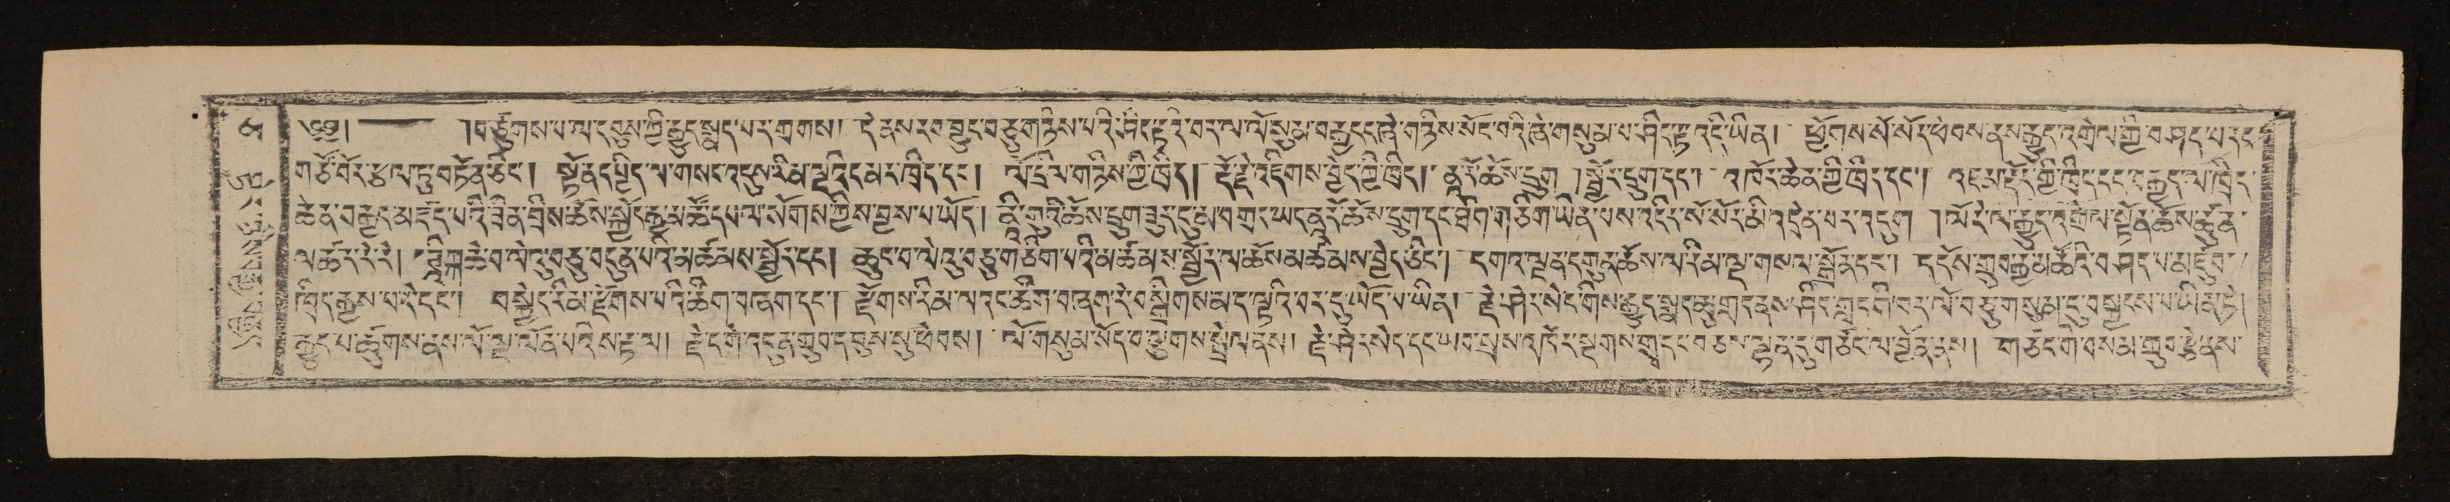༄༅། །བཙུགས་པ་ལ་དབུས་ཀྱི་རྒྱུད་སྨད་པར་གྲགས། དེ་ནས་རབ་བྱུང་བཅུ་གཉིས་པའི་ཤིང་རྟའི་བར་ལ་ལོ་སུམ་བརྒྱ་དང་ཞེ་གཉིས་སོང་བའི་ཞེ་གསུམ་པ་ཤིང་རྟ་འདི་ཡིན། ཕྱོགས་སོ་སོར་ཕེབས་ནས་རྒྱུད་འགྲེལ་གྱི་བཤད་པ་རང་
གཙོ་བོར་རྩལ་ཏུ་བཏོན་ཅིང་། སྟོན་དཔྱིད་ལ་གསང་འདུས་རིམ་ལྔའི་དམར་ཁྲིད་དང་། ལོ་དྲིལ་གཉིས་ཀྱི་ཁྲིད། རྡོ་རྗེ་འཇིགས་བྱེད་ཀྱི་ཁྲིད། ནཱ་རོ་ཆོས་དྲུག །སྦྱོར་དྲུག་དང་། འཁོར་ཆེན་གྱི་ཁྲིད་དང་། འཇམ་རྡོར་གྱི་ཁྲིད་དང་བརྒྱད་ལ་ཁྲིད་
ཆེན་བརྒྱད་མཛད་པའི་ཟིན་བྲིས་ཆོས་སྐྱོད་རྒྱ་མཚོ་དཔལ་སོགས་ཀྱིས་བྱས་པ་ཡོད། ནཱི་གུའི་ཆོས་དྲུག་ཟུར་དུ་མ་བགྲང་ཡང་ནཱ་རོ་ཆོས་དྲུག་དང་ཐིག་གཅིག་ཡིན་པས་འདིར་སོ་སོར་མི་འདྲེན་པར་འདུག །ལོ་རེ་ལ་རྒྱུད་འགྲེལ་སྟོན་ཆོས་ཚུན་
ལ་ཚར་རེ་རེ། ཊཱིཀྐ་ཆེ་བ་ལེའུ་བཅུ་བདུན་པའི་མཚམས་སྦྱོར་དང་། ཆུང་བ་ལེའུ་བཅུ་གཅིག་པའི་མཚམས་སྦྱོར་ལ་ཆོས་མཚམས་བྱེད་ཅིང་། དགའ་ལྡན་དགུན་ཆོས་ལ་རིམ་ལྔ་གསལ་སྒྲོན་དང་། དངོས་གྲུབ་རྒྱ་མཚོའི་བཤད་པ་མཛུབ་
ཁྲིད་རྒྱས་པ་རེ་དང་། བསྐྱེད་རིམ་རྫོགས་པའི་ཚིག་བཞག་དང་། རྫོགས་རིམ་ལའང་ཚིག་བཞག་རེ་བསྒྲིགས་མ་ད་ལྟའི་བར་དུ་ཡོད་པ་ཡིན། རྗེ་ཤེར་སེང་གིས་རྒྱུད་སྨད་ཆུ་གླང་ནས་ཤིང་གླང་གི་བར་ལོ་བཅུ་གསུམ་དུ་བསྐྱངས་པ་ཡིན་ཏེ།
རྒྱུད་པ་ཚུགས་ནས་ལོ་ལྔ་ལོན་པའི་ས་རྟ་ལ། རྗེ་དགེ་འདུན་གྲུབ་དགུས་སུ་ཕེབས། ལོ་གསུམ་སོང་བ་ལྕགས་སྤྲེལ་ནས། རྗེ་ཤེར་སེང་དང་ཡབ་སྲས་འཁོར་སྔགས་གྲྭ་དང་བཅས་ལྷན་དུ་གཙང་ལ་བྱོན་ནས། གཙང་གི་བསམ་གྲུབ་རྩེ་ནས་